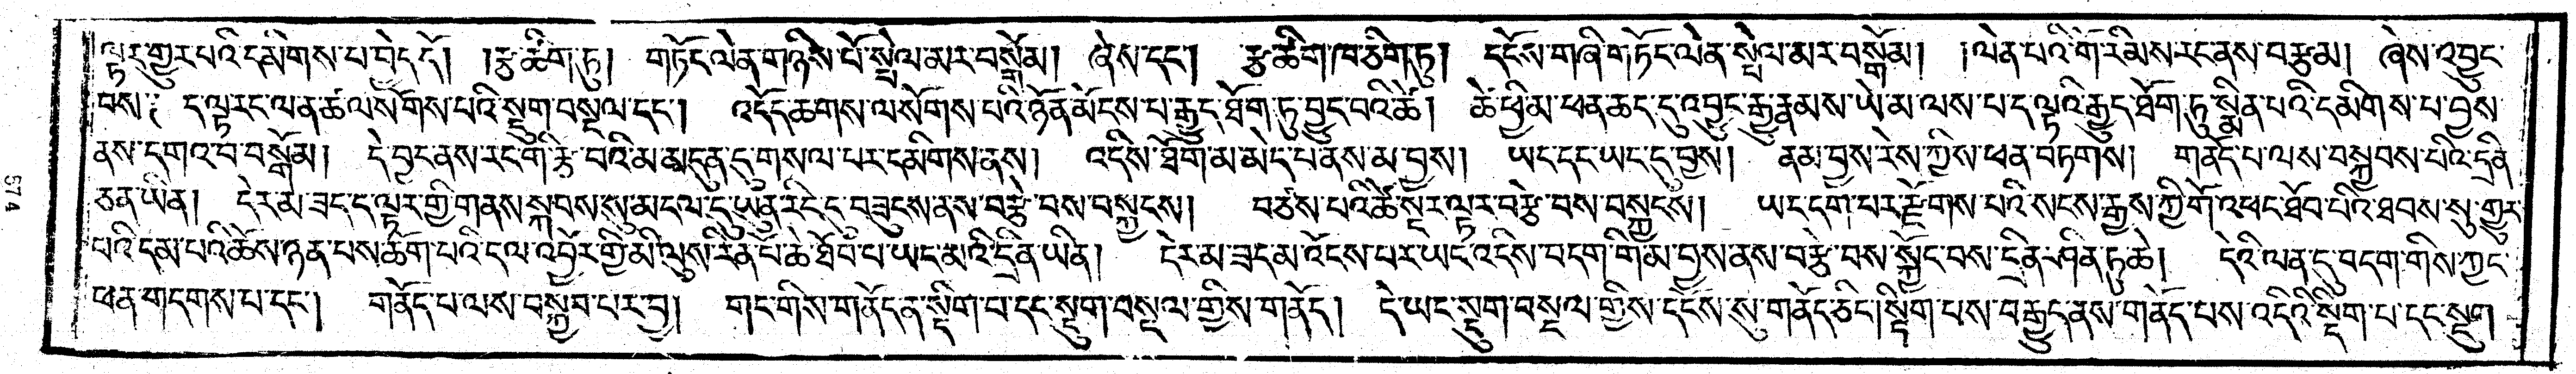ལྟར་གྱུར་པའི་དམིགས་པ་བྱེད་དོ། །རྩ་ཚིག་ཏུ། གཏོང་ལེན་གཉིས་པོ་སྤེལ་མར་བསྒོམ། ཞེས་དང་། རྩ་ཚིག་ཁ་ཅིག་ཏུ། དངོས་གཞི་གཏོང་ལེན་སྤེལ་མར་བསྒོམ། །ལེན་པའི་གོ་རིམས་རང་ནས་བརྩམ། ཞེས་འབྱུང་
བས༑ ད་ལྟ་རང་ལ་ན་ཚ་ལ་སོགས་པའི་སྡུག་བསྔལ་དང་། འདོད་ཆགས་ལ་སོགས་པའི་ཉོན་མོངས་པ་རྒྱུད་ཐོག་ཏུ་བྱུང་བའི་ཚེ། ཚེ་ཕྱི་མ་ཕན་ཆང་དུ་འབྱུང་རྒྱུ་རྣམས་ཡེ་མ་ལས་པ་ད་ལྟའི་རྒྱུད་ཐོག་ཏུ་སྨིན་པའི་དམིགས་པ་བྱས་
ནས་དགའ་བ་བསྒོམ། དེ་བྱང་ནས་རང་གི་རྩ་བའི་མ་མདུན་དུ་གསལ་པར་དམིགས་ནས། འདིས་ཐོག་མ་མེད་པ་ནས་མ་བྱས། ཡང་དང་ཡང་དུ་བྱས། ནམ་བྱས་རེས་ཀྱིས་ཕན་བཏགས། གནོད་པ་ལས་བསྐྱབས་པའི་དྲིན་
ཅན་ཡིན། དེར་མ་ཟད་ད་ལྟར་གྱི་གནས་སྐབས་སུ་མདལ་དུ་ཡུན་རིང་དུ་བཟུངས་ནས་བརྩེ་བས་བསྐྱངས། བཙས་པའི་ཚེ་སྔར་ལྟར་བརྩེ་བས་བསྐྱངས། ཡང་དག་པར་རྫོགས་པའི་སངས་རྒྱས་ཀྱི་གོ་འཕང་ཐོབ་པའི་ཐབས་སུ་གྱུར་
པའི་དམ་པའི་ཆོས་ཉན་པས་ཆོག་པའི་དལ་འབྱོར་གྱི་མི་ལུས་རིན་པོ་ཆེ་ཐོབ་པ་ཡང་མའི་དྲིན་ཡིན། དེར་མ་ཟད་མ་འོངས་པར་ཡང་འདིས་བདག་གི་མ་བྱས་ནས་བརྩེ་བས་སྐྱོང་བས་དྲིན་ཤིན་ཏུ་ཆེ། དེའི་ལན་དུ་བདག་གིས་ཀྱང་
ཕན་གདགས་པ་དང་། གནོད་པ་ལས་བསྐྱབ་པར་བྱ། གང་གིས་གནོད་ན་སྡིག་པ་དང་སྡུག་བསྔལ་གྱིས་གནོད། དེ་ཡང་སྡུག་བསྔལ་གྱིས་དངོས་སུ་གནོད་ཅིང་། སྡིག་པས་བརྒྱུད་ནས་གནོད་པས་འདིའི་སྡིག་པ་དང་སྡུག་